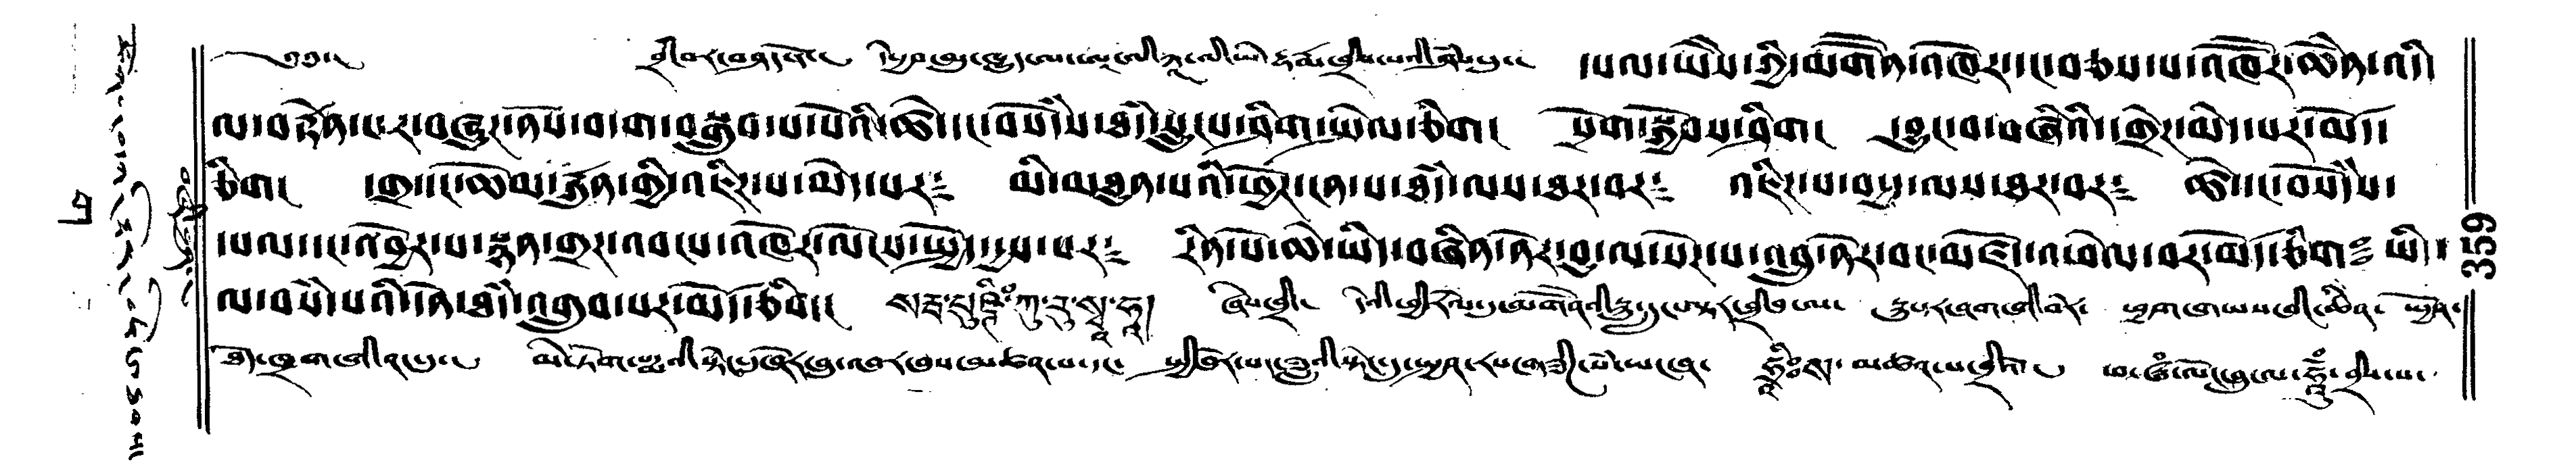བྲི་བར་བཤད་དོ། ། དེ་རྒྱབ་མུ་ཁྱུད་ལ་ཨཱ་ལི་ཀཱ་ལི་ཡེ་དྷརྨ་བྲིས་པའི་གཤམ་དུ། དཔལ་ཡེ་ཤེས་ཀྱི་མགོན་པོ་འཁོར་དང་བཅས་པ་འཁོར་ལོ་ཆེན་པོ་འདི་
ལ་བརྟན་པར་བཞུགས་ནས་བདག་སྒྲུབ་པ་པོའི་ཚེ་དང་བསོད་ནམས་ཐམས་ཅད་སྲུངས་ཤིག་སྤེལ་ཅིག སྲོག་སྐྱོབས་ཤིག འབྱུང་བ་བཞིའི་དགྲ་བགེགས་མེད་པར་མཛོད་
ཅིག དགྲ་དང་ཆོམ་རྐུན་གྱི་འཇིགས་པ་མེད་པར༴མི་མཐུན་པའི་ཕྱོགས་ངན་པ་ཐམས་ཅད་ལས་ཐར་བར༴ འཇིགས་པ་བརྒྱད་ལས་ཐར་བར༴ ཚེ་དང་བསོད་ནམས་
དཔལ་དང་འབྱོར་པ་སྙན་གྲགས་འབངས་འཁོར་ལོངས་སྤྱོད་རྒྱས་པར༴ རིན་པོ་ཆེ་ཡིད་བཞིན་ནོར་བུ་ལ་སོགས་པ་འབྲུ་ནོར་བང་མཛོད་འཕེལ་བར་མཛོད་ཅིག ཡིད་
ལ་བསམ་པའི་དོན་ཐམས་ཅད་འགྲུབ་པར་མཛོད་ཅིག སརྦ་པུཥྚིཾ་ཀུ་རུ་སྭཱ་ཧཱ། ཞེས་བྲི། དེའི་ཕྱི་རོལ་དུ་མགོན་པོའི་སྐུ་དྲུང་ལྟར་བྲི་བ་ལ། སྐུ་དར་ནག་གི་བེར། ཕྱག་གཡས་བིང་ཆེན། གཡོན་
ཐོད་ཁྲག་གི་ནང་དུ། མེ་ཏོག་པདྨའི་སྟེང་དུ་ནོར་བུ་འབར་བས་མཚན་པ་དང་། སྤྱི་བོར་པད་ཟླའི་སྟེང་དུ་སྤྱན་རས་གཟིགས་སམ་ཡང་ན་ཧྲཱིཿ ས་མཚན་པ་བྲིའོ། ཕ་ཝཾ་ལོང་བུ་ལ་ཧཱུྂ་བྲིས་པ་